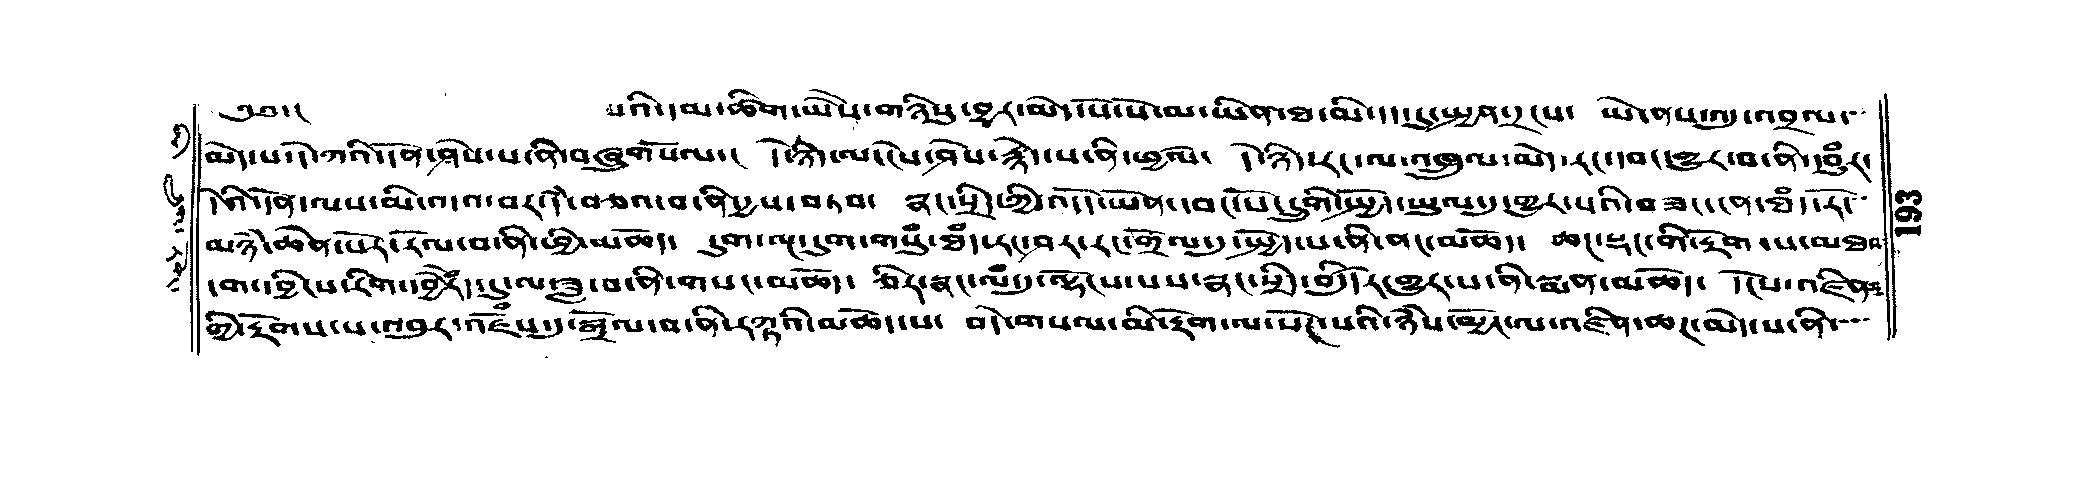པའི་དམ་ཚིག་ཡེ་ཤེས་གཉིས་སུ་བྱར་མེད་སོ་སོ་མ་ཡིན་ཐ་མི་དད་དུ་སྤྱན་དྲངས།ཡེ་ནས་འདུ་འབྲལ་
མེད་པ་དེ་ཀའི་དོན་ཤེས་པ་ནི་བཞུག་གསོལ། དེ་ཉིད་ལ་ངེས་ཤེས་རྙེད་པ་ནི་ཕྱག་འཚལ་ལོ། དེ་ཉིད་རང་ལ་འཁྲུལ་མེད་རང་དབང་གྱུར་བ་ནི་དབང་བསྐུར་
དེའི་དོན་ལས་མི་འདའ་བར་དམ་བཅའ་བ་ནི་རྒྱས་བཏབ། སྣང་སྲིད་ཀྱི་འདོད་ཡོན་དབང་པོ་དྲུག་གི་སྤྱོད་ཡུལ་དུ་གྱུར་པའི་བཟང་ངན་ཐམས་ཅད་རོ་
མཉམ་ཆེན་པོར་རོལ་བ་ནི་ཕྱི་མཆོད། དུག་ལྔ་དུག་གསུམ་ཐམས་ཅད་རང་ཤར་རང་གྲོལ་དུ་སྤྱོད་པ་ནི་ནང་མཆོད། ཆགས་སྡང་གི་རྟོག་པ་མཐའ་
དག་དབྱིངས་རིག་དབྱེར་མེད་དུ་ལ་ཟླ་བ་ནི་གསང་མཆོད། ཅིར་སྣང་ལམ་དུ་ལྷོངས་པས་སྣང་སྲིད་བདུད་རྩིར་གྱུར་པ་ནི་སྨོན་མཆོད། དངོས་འཛིན་
གྱི་རྟོགས་པ་འབུར་འཇོམས་སུ་སྒྲོལ་བ་ནི་རཀྟའི་མཆོད་པ། བདེ་གསལ་མི་རྟོག་ལ་སོགས་པའི་ཉམས་མྱོང་ལ་འཛིན་ཆགས་མེད་པ་ནི་